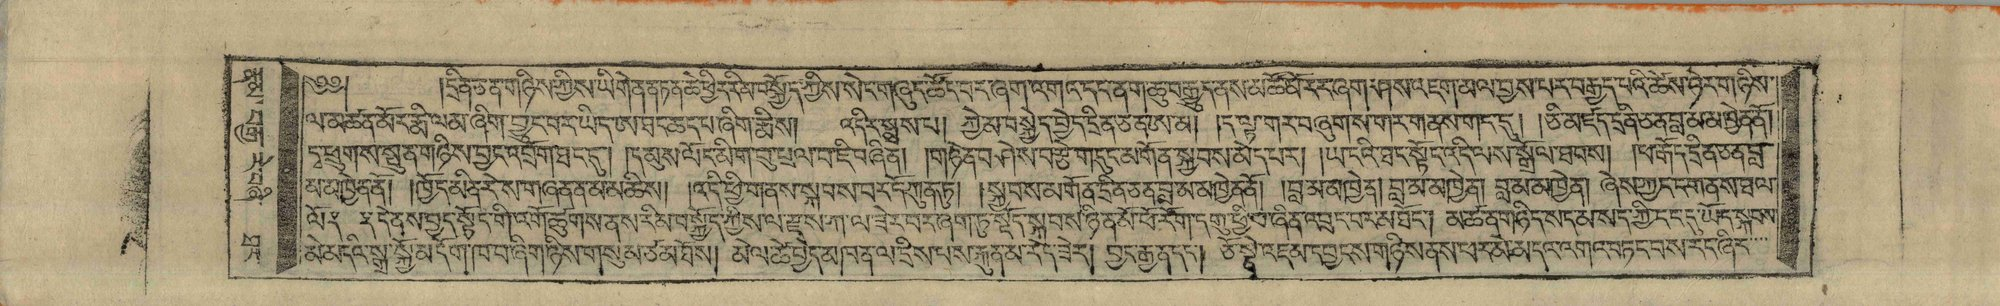༄༅། །དྲིན་ཅན་གཉིས་ཀྱིས་ཡི་གེ་ནན་ཏན་ཆེ་ཕྱིར་རིམ་བསྐྱོད་ཀྱིས་སེང་གཞུང་ཚོང་བར་ཞག་འགའ་དང་ནག་ཆུ་བརྒྱུད་ནས་མཚོ་མོ་རར་ཞག་ཤས་འཇག་མལ་བྱས་པར་བརྒྱད་པའི་ཚེས་ཉེར་གཉིས་
ལ་མཚན་མོར་རྨི་ལམ་ཞིག་བྱུང་བར་ཡིད་ཨ་ཐང་ཆད་པ་ཞིག་རྨིས། འདིར་སྨྲས་པ། ཀྱེ་མ་བསྐྱེད་བྱེད་དྲིན་ཅན་ཨ་མ། །ད་ལྟ་གར་བཞུགས་གར་གནས་གང་དུ། །ཅི་མཛད་དྲིན་ཅན་བླ་མ་མཁྱེན་ནོ།
དྭ་ཕྲུགས་སྤུན་གཉིས་བྱང་འབྲོག་ཐང་དུ། །དམུས་ལོང་མིག་བུ་པྲལ་བ་ཇི་བཞིན། །གཉེན་བཤེས་བརྩེ་གདུང་མགོན་སྐྱབས་མེད་པར། །ཡ་ངའི་ཐང་སྟོང་འདི་ལས་སྒྲོལ་ཐབས། །ཕ་རྒོད་དྲིན་ཅན་བླ་
མ་མཁྱེན་ནོ། །ཁྱོད་མིན་རེ་ས་གཞན་ན་མ་མཆིས། །འདི་ཕྱི་གནས་སྐབས་བར་དོ་ཀུན་ཏུ། །སྐྱབས་མགོན་དྲིན་ཅན་བླ་མ་མཁྱེན་ནོ། །བླ་མ་མཁྱེན། བླ་མ་མཁྱེན། བླ་མ་མཁྱེན། ཞེས་ཀྱང་ངག་ནས་ཐལ་
ལོ༑ ༑དེ་ནས་བྱད་སྟོང་གི་འགོ་ཚུངས་ནས་རིམ་བསྐྱོད་ཀྱིས་ལ་རྫས་ཀ་ལ་ཟེར་བར་ཞག་ཏུ་སྡོད་སྐབས་ཉིན་མོ་ཕོ་རོག་དགུ་ཕྱི་བ་ཞིན་འབྲང་བར་མཐོང་། མཚན་གཉིད་སད་མ་སད་ཀྱི་ངང་དུ་ཡོད་སྐབས་
མེ་མདའི་སྒྲ་སྐྱོ་མདོག་ཁ་བ་ཞིག་ཉིས་གསུམ་ཙམ་ཐོས། མེལ་ཚེ་བྱེད་མཁན་ལ་དྲིས་པས་རྐུན་མ་རེད་ཟེར། བྱང་རྒྱན་དང་། ཅོ་སྣེ་འཇམ་དབྱངས་གཉིས་ནས་ཕར་མེ་མདའ་འགའ་བཏང་བས་རང་ཞིར་